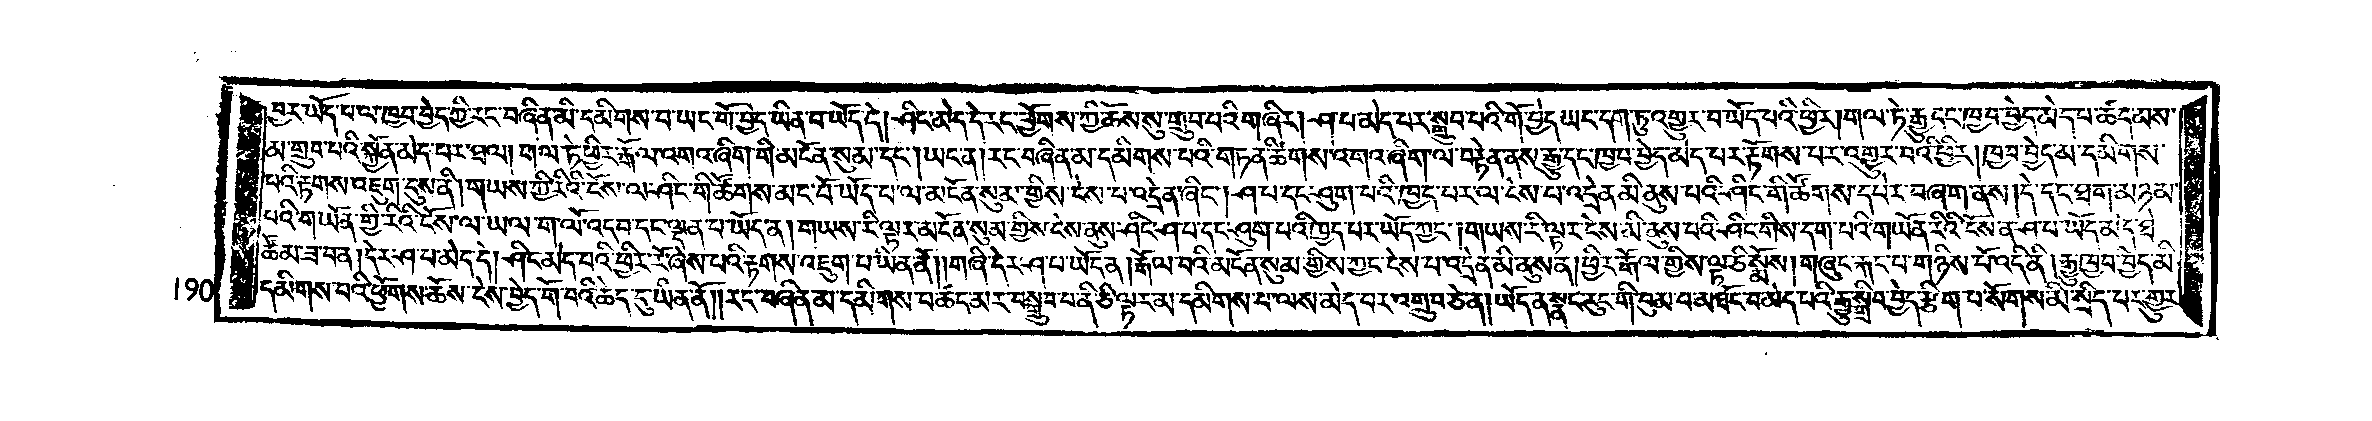བྱར་ཡོད་པ་ལ་ཁྱབ་བྱེད་ཀྱི་རང་བཞིན་མི་དམིགས་པ་ཡང་གོ་བྱེད་ཡིན་པ་ཡོད་དེ། ཤིང་མེད་དེ་རང་ཕྱོགས་ཀྱི་ཆོས་སུ་གྲུབ་པའི་གཞིར། ཤ་པ་མེད་པར་སྒྲུབ་པའི་གོ་བྱེད་ཡང་དག་ཏུ་འགྱུར་བ་ཡོད་པའི་ཕྱིར། གལ་ཏེ་རྒྱུ་དང་ཁྱབ་བྱེད་མེད་པ་ཚད་མས་
མ་གྲུབ་པའི་སྐྱོན་མེད་པར་ཐལ། གལ་ཏེ་ཕྱིར་རྒོལ་འགའ་ཞིག་གི་མངོན་སུམ་དང་། ཡང་ན། རང་བཞིན་མ་དམིགས་པའི་གཏན་ཚིགས་འགའ་ཞིག་ལ་བརྟེན་ནས་རྒྱུ་དང་ཁྱབ་བྱེད་མེད་པར་རྟོགས་པར་འགྱུར་བའི་ཕྱིར། ཁྱབ་བྱེད་མ་དམིགས་
པའི་རྟགས་འཇུག་དུས་ནི། གཡས་ཀྱི་རིའི་ངོས་ལ་ཤིང་གི་ཚོགས་མང་པོ་ཡོད་པ་ལ་མངོན་སུམ་གྱིས་ངེས་པ་འདྲེན་ཞིང་། ཤ་པ་དང་ཤུག་པའི་ཁྱད་པར་ལ་ངེས་པ་འདྲེན་མི་ནུས་པའི་ཤིང་གི་ཚོགས་དཔེར་བཞག་ནས། དེ་དང་ཐག་མཉམ་
པའི་གཡོན་གྱི་རིའི་ངོས་ལ་ཡལ་ག་ལོ་འདབ་དང་ལྡན་པ་ཡོད་ན། གཡས་རི་ལྟར་མངོན་སུམ་གྱིས་ངེས་ནུས་ཤིང་ཤ་པ་དང་ཤུག་པའི་ཁྱད་པར་ཡོད་ཀྱང་། གཡས་རི་ལྟར་ངེས་མི་ནུས་པའི་ཤིང་གིས་དག་པའི་གཡོན་རིའི་ངོས་ན་ཤ་པ་ཡོད་མེད་ཐེ་
ཚོམ་ཟ་བ་ན། དེར་ཤ་པ་མེད་དེ། ཤིང་མེད་པའི་ཕྱིར་རོ་ཞེས་པའི་རྟགས་འཇུག་པ་ཡིན་ནོ། །གཞི་དེར་ཤ་པ་ཡོད་ན། རྒོལ་བའི་མངོན་སུམ་གྱིས་ཀྱང་ངེས་པ་འདྲེན་མི་ནུས་ན། ཕྱིར་རྒོལ་གྱིས་ལྟ་ཅི་སྨོས། གཞུང་རྐང་པ་གཉིས་པོ་འདི་ནི། རྒྱུ་ཁྱབ་བྱེད་མི་
དམིགས་པའི་ཕྱོགས་ཆོས་ངེས་བྱེད་གོ་བའི་ཆེད་དུ་ཡིན་ནོ། །རང་བཞིན་མ་དམིགས་པ་ཚད་མར་བསྒྲུབ་པ་ནི་ཅི་ལྟར་མ་དམིགས་པ་ལས་མེད་པར་འགྲུབ་ཅེ་ན། ཡོད་ན་སྣང་རུང་གི་བུམ་པ་མཐོང་བ་མེད་པའི་རྒྱུ་སྒྲིབ་བྱེད་རྩིག་པ་སོགས་མི་སྲིད་པར་གྱུར་